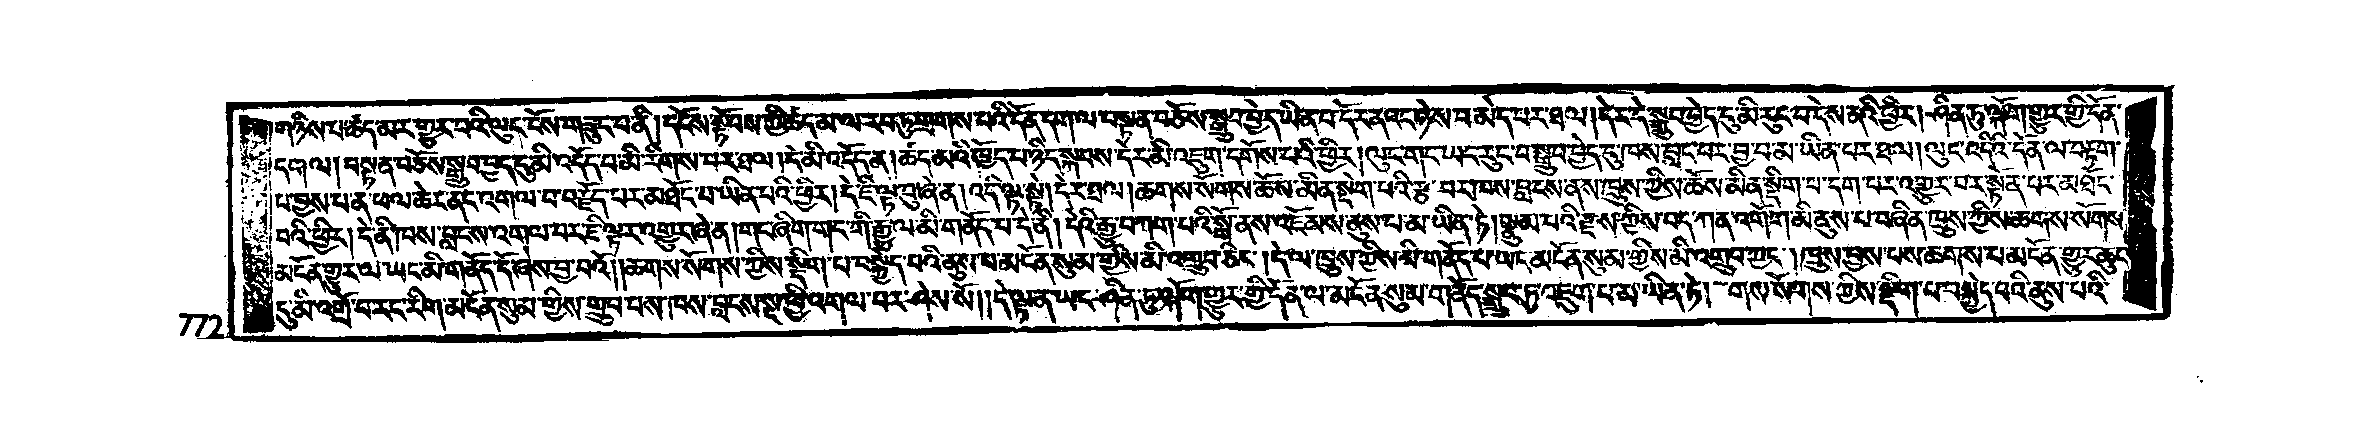གཉིས་པ་ཚད་མར་གྱུར་བའི་ལུང་ངོས་གཟུང་བ་ནི། དངོས་སྟོབས་ཀྱི་ཚད་མ་ལ་རབ་ཏུ་གྲགས་པའི་དོན་དག་ལ་བསྟན་བཅོས་སྒྲུབ་བྱེད་ཡིན་པ་དོར་ནའང་ཉེས་པ་མེད་པར་ཐལ། དེར་དེ་སྒྲུབ་བྱེད་དུ་མི་རུང་བ་དེས་ནའི་ཕྱིར། ཤིན་ཏུ་ལྐོག་གྱུར་གྱི་དོན་
དག་ལ། བསྟན་བཅོས་སྒྲུབ་བྱེད་དུ་མི་འདོད་པ་མི་རིགས་པར་ཐལ། དེ་མི་འདོད་ན། ཚད་མའི་ཁྱོད་པ་ཉིད་སྐབས་དེར་མི་འཇུག་དགོས་པའི་ཕྱིར། ལུང་གང་ཡང་རུང་བ་སྒྲུབ་བྱེད་དུ་ཁས་བླང་བར་བྱ་བ་མ་ཡིན་པར་ཐལ། ལུང་འདིའི་དོན་ལ་བརྟག་
པ་བྱས་པ་ན་ཕལ་ཆེར་ནང་འགལ་བ་བརྗོད་པར་མཐོང་བ་ཡིན་པའི་ཕྱིར། དེ་ཇི་ལྟ་བུ་ཞེ་ན། འདི་ལྟ་སྟེ། དེར་ཐལ། ཆགས་སོགས་ཆོས་མིན་སྡིག་པའི་རྩ་བར་ཁས་བླངས་ནས་ཁྲུས་ཀྱིས་ཆོས་མིན་སྡིག་པ་དག་པར་འགྱུར་བར་སྟོན་པར་མཐོང་
བའི་ཕྱིར། དེ་ནི་ཁས་བླངས་འགལ་བར་ཇི་ལྟར་འགྱུར་ཞེ་ན། གང་ཞིག་གང་གི་རྒྱུ་ལ་མི་གནོད་པ་དེ་ནི། དེའི་རྒྱུ་བཀག་པའི་སྒོ་ནས་འཇོམས་ནུས་པ་མ་ཡིན་ཏེ། སྣུམ་པའི་རྫས་ཀྱིས་བད་ཀན་འགོག་མི་ནུས་པ་བཞིན་ཁྲུས་ཀྱིས་ཆགས་སོགས་
མངོན་གྱུར་ལ་ཡང་མི་གནོད་དོ་ཞེས་བྱ་བའོ། །ཆགས་སོགས་ཀྱིས་སྡིག་པ་བསྐྱེད་པའི་ནུས་པ་མངོན་སུམ་གྱིས་མི་འགྲུབ་ཅིང་། དེ་ལ་ཁྲུས་ཀྱིས་མི་གནོད་པ་ཡང་མངོན་སུམ་གྱིས་མི་འགྲུབ་ཀྱང་། ཁྲུས་བྱས་པས་ཆགས་པ་མངོན་གྱུར་ཆུང་
དུ་མི་འགྲོ་བ་རང་རིག་མངོན་སུམ་གྱིས་གྲུབ་པས་ཁས་བླངས་སྔ་ཕྱི་འགལ་བར་ཤེས་སོ། །དེ་ལྟ་ན་ཡང་ཤིན་ཏུ་ལྐོག་གྱུར་གྱི་དོན་ལ་མངོན་སུམ་གནོད་སྒྲུབ་ཏུ་འཇུག་པ་མ་ཡིན་ཏེ། ཆགས་སོགས་ཀྱིས་སྡིག་པ་བསྐྱེད་པའི་ནུས་པའི་